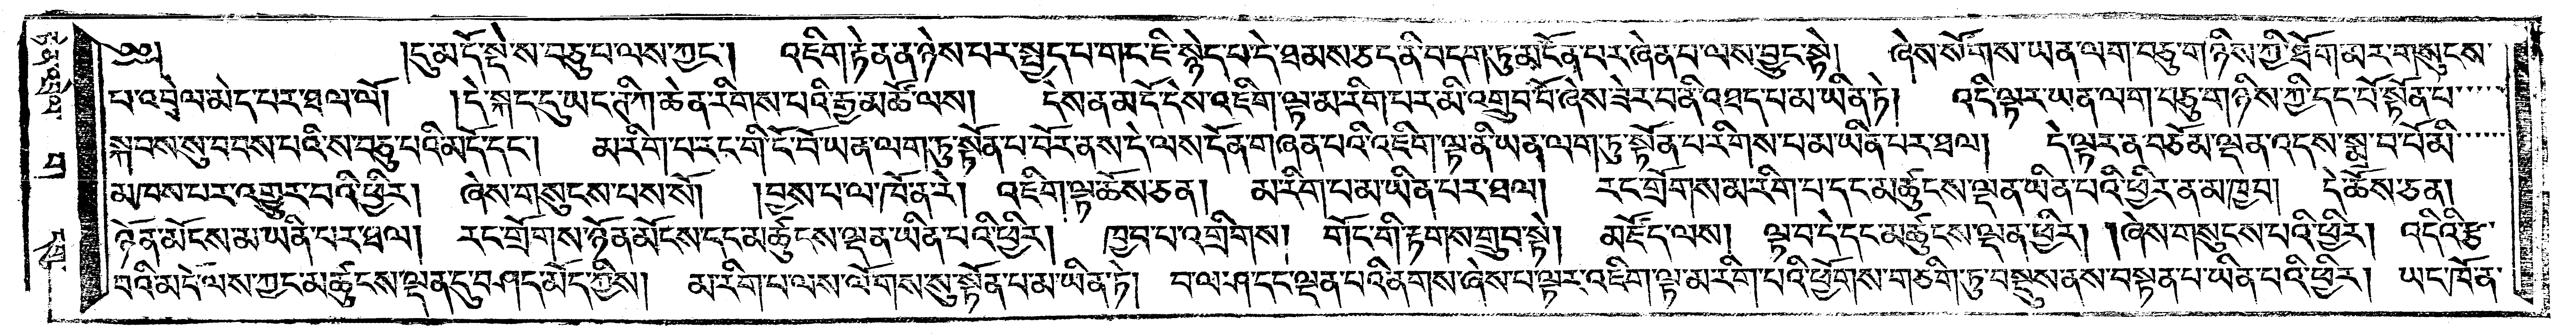༄༅། །དུ་མདོ་སྡེ་ས་བཅུ་བ་ལས་ཀྱང་། འཇིག་རྟེན་ན་ཉེས་པར་སྤྱད་པ་གང་ཇི་སྙེད་པ་དེ་ཐམས་ཅད་ནི་བདག་ཏུ་མངོན་པར་ཞེན་པ་ལས་བྱུང་སྟེ། ཞེས་སོགས་ཡན་ལག་བཅུ་གཉིས་ཀྱི་ཐོག་མར་གསུངས་
པ་འབྲེལ་མེད་པར་ཐལ་ལོ། །དེ་སྐད་དུ་ཡང་ཊིཀ་ཆེན་རིགས་པའི་རྒྱ་མཚོ་ལས། དེས་ན་མདོ་དེས་འཇིག་ལྟ་མ་རིག་པར་མི་འགྲུབ་བོ་ཞེས་ཟེར་བ་ནི་འཐད་པ་མ་ཡིན་ཏེ། འདི་ལྟར་ཡན་ལག་བཅུ་གཉིས་ཀྱི་དང་པོ་སྟོན་པ་
སྐབས་སུ་བབས་པའི་ས་བཅུ་པའི་མདོ་དང་། མ་རིག་པ་རང་གི་ངོ་བོ་ཡན་ལག་ཏུ་སྟོན་པ་བོར་ནས་དེ་ལས་དོན་གཞན་པའི་འཇིག་ལྟ་ནི་ཡན་ལག་ཏུ་སྟོན་པ་རིགས་པ་མ་ཡིན་པར་ཐལ། དེ་ལྟར་ན་བཅོམ་ལྡན་འདས་སྨྲ་བ་པོ་མི་
མཁས་པར་འགྱུར་བའི་ཕྱིར། ཞེས་གསུངས་པས་སོ། །བྱས་པ་ལ་ཁོ་ན་རེ། འཇིག་ལྟ་ཆོས་ཅན། མ་རིག་པ་མ་ཡིན་པར་ཐལ། རང་གྲོགས་མ་རིག་པ་དང་མཚུངས་ལྡན་ཡིན་པའི་ཕྱིར་ན་མཁྱབ། དེ་ཆོས་ཅན།
ཉོན་མོངས་མ་ཡིན་པར་ཐལ། རང་གྲོགས་ཉོན་མོངས་དང་མཚུངས་ལྡན་ཡིན་པའི་ཕྱིར། ཁྱབ་པ་འགྲིགས། གོང་གི་རྟགས་གྲུབ་སྟེ། མཛོད་ལས། ལྟ་བ་དེ་དང་མཚུངས་ལྡན་ཕྱིར། །ཞེས་གསུངས་པའི་ཕྱིར། འདིའི་ཙ་
བའི་མདོ་ལས་ཀྱང་མཚུངས་ལྡན་དུ་བཤད་མོད་ཀྱིས། མ་རིག་པ་ལས་ལོགས་སུ་སྟོན་པ་མ་ཡིན་ཏེ། བལ་ཤ་དང་ལྡན་པའི་ནགས་ཞེས་པ་ལྟར་འཇིག་ལྟ་མ་རིག་པའི་ཕྱོགས་གཅིག་ཏུ་བསྡུས་ནས་བསྟན་པ་ཡིན་པའི་ཕྱིར། ཡང་ཁོ་ན་